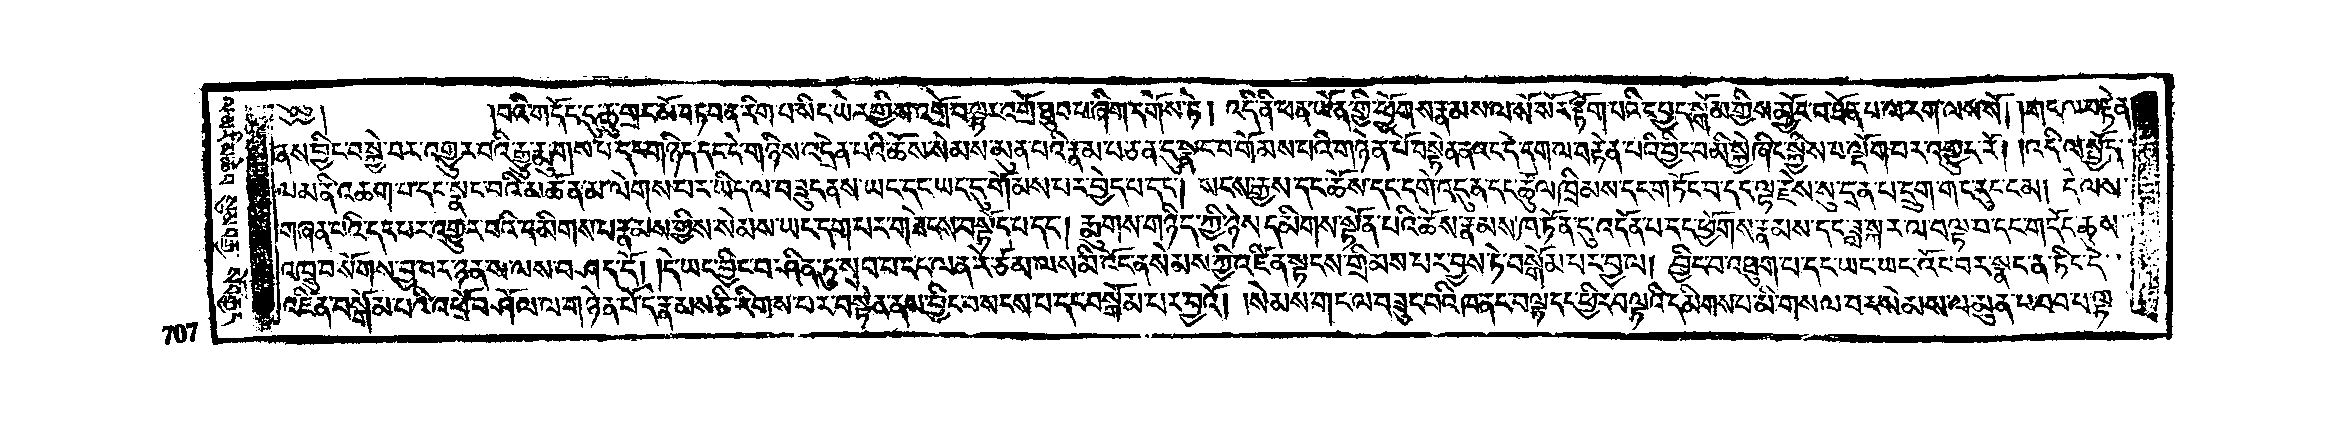༄༅། །བའི་གདོང་དུ་ཆུ་གྲང་མོ་བཏབ་ན་རིག་པ་སིང་ཡེར་གྱིས་འགྲོ་བ་ལྟར་འགྲོ་ཐུབ་པ་ཞིག་དགོས་ཏེ། འདི་ནི་ཕན་ཡོན་གྱི་ཕྱོགས་རྣམས་ལ་སོ་སོར་རྟོག་པའི་དཔྱད་སྒོམ་གྱིས་མྱོང་བ་ཐོན་པ་ལ་རག་ལས་སོ། །གང་ལ་བརྟེན་
ནས་བྱིང་བ་སྐྱེ་བར་འགྱུར་བའི་རྒྱུ་རྨུགས་པ་དང་གཉིད་དང་དེ་གཉིས་འདྲེན་པའི་ཆོས་སེམས་མུན་པའི་རྣམ་པ་ཅན་དུ་སྣང་བ་གོམས་པའི་གཉེན་པོ་བསྟེན་ནའང་དེ་དག་ལ་བརྟེན་པའི་བྱིང་བ་མི་སྐྱེ་ཞིང་སྐྱེས་པ་ལྡོག་པར་འགྱུར་རོ། །འདི་ལ་སྤྱོད་
ལམ་ནི་འཆག་པ་དང་སྣང་བའི་མཚན་མ་ལེགས་པར་ཡིད་ལ་བཟུང་ནས་ཡང་དང་ཡང་དུ་གོམས་པར་བྱེད་པ་དང་། སངས་རྒྱས་དང་ཆོས་དང་དགེ་འདུན་དང་ཚུལ་ཁྲིམས་དང་གཏོང་བ་དང་ལྷ་རྗེས་སུ་དྲན་པ་དྲུག་གང་རུང་ངམ། དེ་ལས་
གཞན་པའི་དང་བར་འགྱུར་བའི་དམིགས་པ་རྣམས་ཀྱིས་སེམས་ཡང་དག་པར་གཟེངས་བསྟོད་པ་དང་། རྨུགས་གཉིད་ཀྱི་ཉེས་དམིགས་སྟོན་པའི་ཆོས་རྣམས་ཁ་ཏོན་དུ་འདོན་པ་དང་ཕྱོགས་རྣམས་དང་ཟླ་སྐར་ལ་བལྟ་བ་དང་གདོང་ཆུས་
འཁྲུ་བ་སོགས་བྱ་བར་ཉན་ས་ལས་བཤད་དོ། །དེ་ཡང་བྱིང་བ་ཤིན་ཏུ་སྲབ་པ་དང་ལན་རེ་ཙམ་ལས་མི་འོང་ན་སེམས་ཀྱི་འཛིན་སྟངས་གྲིམས་པར་བྱས་ཏེ་བསྒོམ་པར་བྱ་ལ། བྱིང་བ་འཐུག་པ་དང་ཡང་ཡང་འོང་བར་སྣང་ན་ཏིང་ངེ་
འཛིན་བསྒོམ་པའི་འཕྲོ་བཤོལ་ལ་གཉེན་པོ་དེ་རྣམས་ཅི་རིགས་པར་བསྟེན་ནས་བྱིང་བ་སངས་པ་དང་བསྒོམ་པར་བྱའོ། །སེམས་གང་ལ་བཟུང་བའི་ཁ་ནང་བལྟ་དང་ཕྱིར་བལྟའི་དམིགས་པ་མི་གསལ་བར་སེམས་ལ་མུན་པ་བབ་པ་ལྟ་